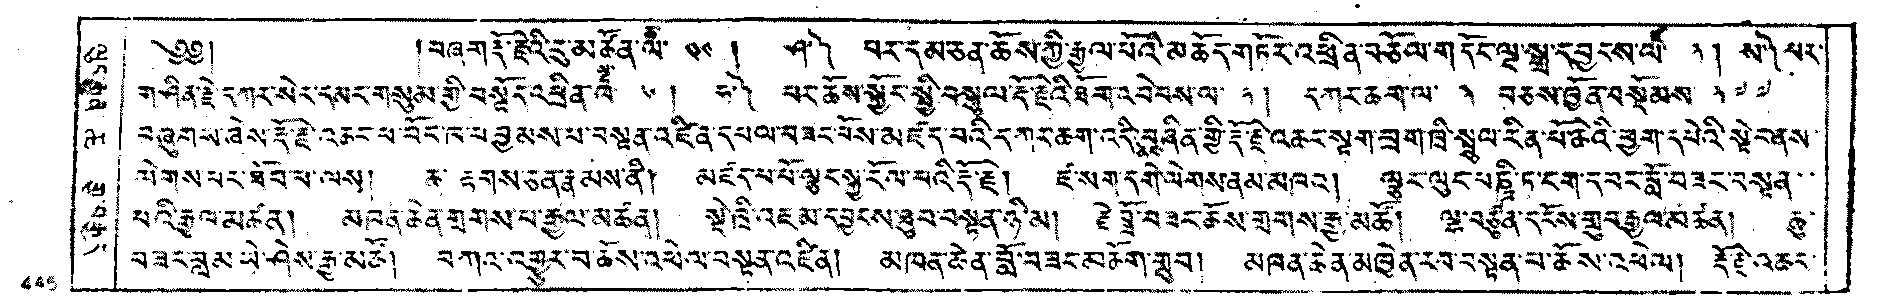༄༅། །བཞག་རྡོ་རྗེའི་རུ་མཚོན་ཆ་ལ ༤༤། ཤ྄་པར་དམ་ཅན་ཆོས་ཀྱི་རྒྱལ་པོའི་མཆོད་གཏོར་འཕྲིན་བཅོལ་གདོང་ལྔ་སྒྲ་དབྱངས་ལ་ཛ ༢། ས྄་པར་
གཤིན་རྗེ་དཀར་སེར་དམར་གསུམ་གྱི་བསྟོད་འཕྲིན་ལ་ལྷ ༦། ཧ྄་པར་ཆོས་སྐྱོང་སྤྱི་བསྐུལ་རྡོ་རྗེའི་ཐོག་འབེབས་ལ ༢། དཀར་ཆག་ལ ༣་བཅས་ཁྱོན་བསྡོམས ༢༧༧
བཞུགས་ཞེས་རྡོ་རྗེ་འཆང་ཕ་བོང་ཁ་པ་བྱམས་པ་བསྟན་འཛིན་དཔལ་བཟང་པོས་མཛད་པའི་དཀར་ཆག་འདི་ནང་བཞིན་གྱི་རྡོ་རྗེ་འཆང་སྟག་བྲག་ཁྲི་སྤྲུལ་རིན་པོ་ཆེའི་ཕྱག་དཔེའི་སྟེང་ནས་
ལེགས་པར་ཐོབ་པ་ལས། ཆ་རྟགས་ཅན་རྣམས་ནི། མཛད་པ་པོ་ལྕང་སྐྱ་རོལ་པའི་རྡོ་རྗེ། ཛ་སག་དགེ་ལེགས་ནམ་མཁའ། ལྕང་ལུང་པཎྜི་ཏ་ངག་དབང་བློ་བཟང་བསྟན་
པའི་རྒྱལ་མཚན། མཁན་ཆེན་གྲགས་པ་རྒྱལ་མཚན། སྡེ་ཁྲི་འཇམ་དབྱངས་ཐུབ་བསྟན་ཉི་མ། རྗེ་བློ་བཟང་ཆོས་གྲགས་རྒྱ་མཚོ། ལྷ་བཙུན་དངོས་གྲུབ་རྒྱལ་མཚན། ཆུ་
བཟང་བླ་མ་ཡེ་ཤེས་རྒྱ་མཚོ། བཀའ་འགྱུར་བ་ཆོས་འཕེལ་བསྟན་འཛིན། མཁན་ཆེན་བློ་བཟང་མཆོག་གྲུབ། མཁན་ཆེན་མཁྱེན་རབ་བསྟན་པ་ཆོས་འཕེལ། རྡོ་རྗེ་འཆང་